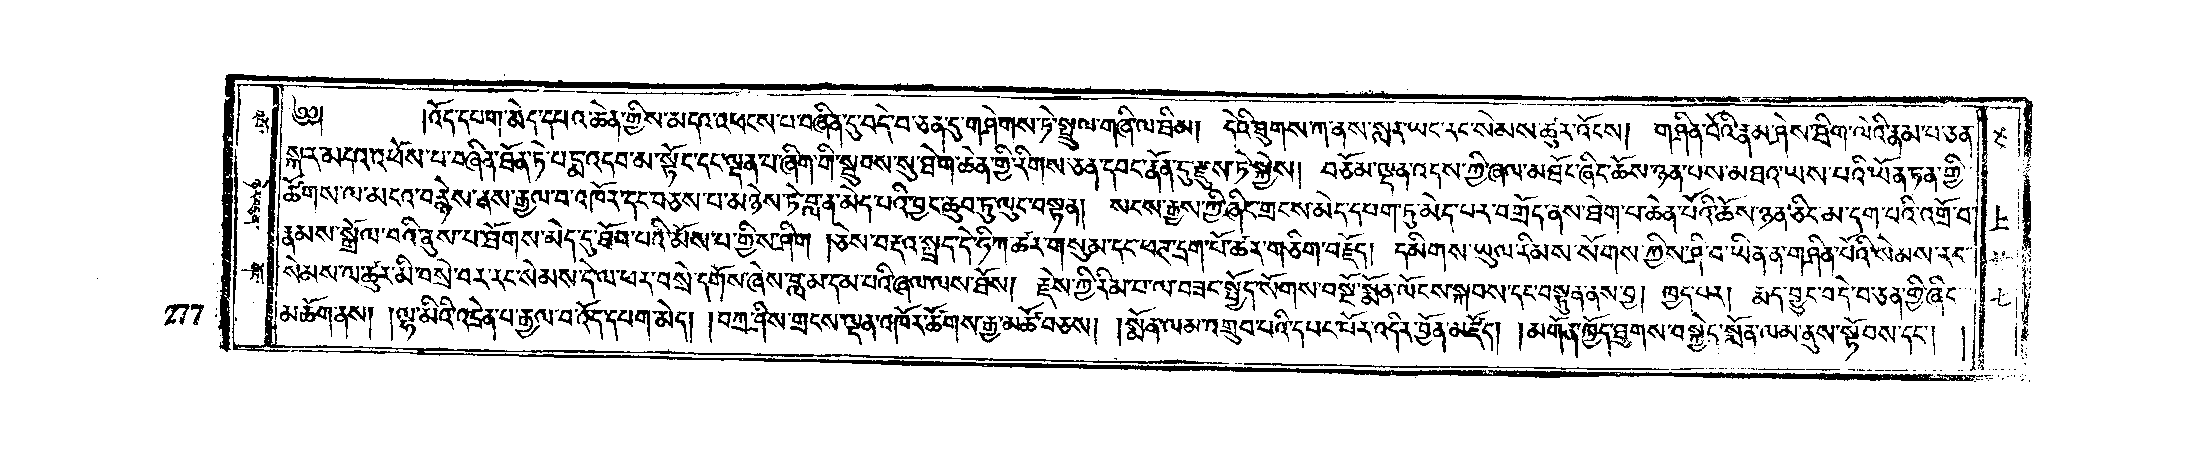༄༅། །འོད་དཔག་མེད་དཔའ་ཆེན་གྱིས་མདའ་འཕངས་པ་བཞིན་དུ་བདེ་བ་ཅན་དུ་གཤེགས་ཏེ་སྤྲུལ་གཞི་ལ་ཐིམ། དེའི་ཐུགས་ཀ་ནས་སླར་ཡང་རང་སེམས་ཚུར་འོངས། གཤིན་པོའི་རྣམ་ཤེས་ཐིག་ལེའི་རྣམ་པ་ཅན་
སྐར་མདའ་འཕོས་པ་བཞིན་ཐོན་ཏེ་པདམ་འདབ་མ་སྟོང་དང་ལྡན་པ་ཞིག་གི་སྦུབས་སུ་ཐེག་ཆེན་གྱི་རིགས་ཅན་དབང་རྣོན་དུ་རྫུས་ཏེ་སྐྱེས། བཅོམ་ལྡན་འདས་ཀྱི་ཞལ་མཐོང་ཞིང་ཆོས་ཉན་པས་མཐའ་ཡས་པའི་ཡོན་ཏན་གྱི་
ཚོགས་ལ་མངའ་བརྙེས་ནས་རྒྱལ་བ་འཁོར་དང་བཅས་པ་མཉེས་ཏེ་བླ་ན་མེད་པའི་བྱང་ཆུབ་ཏུ་ལུང་བསྟན། སངས་རྒྱས་ཀྱི་ཞིང་གྲངས་མེད་དཔག་ཏུ་མེད་པར་བགྲོད་ནས་ཐེག་པ་ཆེན་པོའི་ཆོས་ཉན་ཅིང་མ་དག་པའི་འགྲོ་བ་
རྣམས་སྒྲོལ་བའི་ནུས་པ་ཐོགས་མེད་དུ་ཐོབ་པའི་མོས་པ་གྱིས་ཤིག །ཅེས་བརྡའ་སྤྲད་དེ་ཧིཀ་ཚར་གསུམ་དང་ཕཊ་དྲག་པོ་ཚར་གཅིག་བརྗོད། དམིགས་ཡུལ་རིམས་སོགས་ཀྱིས་ཤི་བ་ཡིན་ན་གཤིན་པོའི་སེམས་རང་
སེམས་ལ་ཚུར་མི་བསྲེ་བར་རང་སེམས་དེ་ལ་ཕར་བསྲེ་དགོས་ཞེས་བླ་མ་དམ་པའི་ཞལ་ལས་ཐོས། རྗེས་ཀྱི་རིམ་པ་ལ་བཟང་སྤྱོད་སོགས་བསྔོ་སྨོན་ལོངས་སྐབས་དང་བསྟུན་ནས་བྱ། ཁྱད་པར། རྨད་བྱུང་བདེ་བ་ཅན་གྱི་ཞིང་
མཆོག་ནས། །ལྷ་མིའི་འདྲེན་པ་རྒྱལ་བ་འོད་དཔག་མེད། །བཀྲ་ཤིས་གྲངས་ལྡན་འཁོར་ཚོགས་རྒྱ་མཚོ་བཅས། །སྨོན་ལམ་འགྲུབ་པའི་དཔང་པོར་འདིར་བྱོན་མཛོད། །མགོན་ཁྱོད་ཐུགས་བསྐྱེད་སྨོན་ལམ་ནུས་སྟོབས་དང་། །